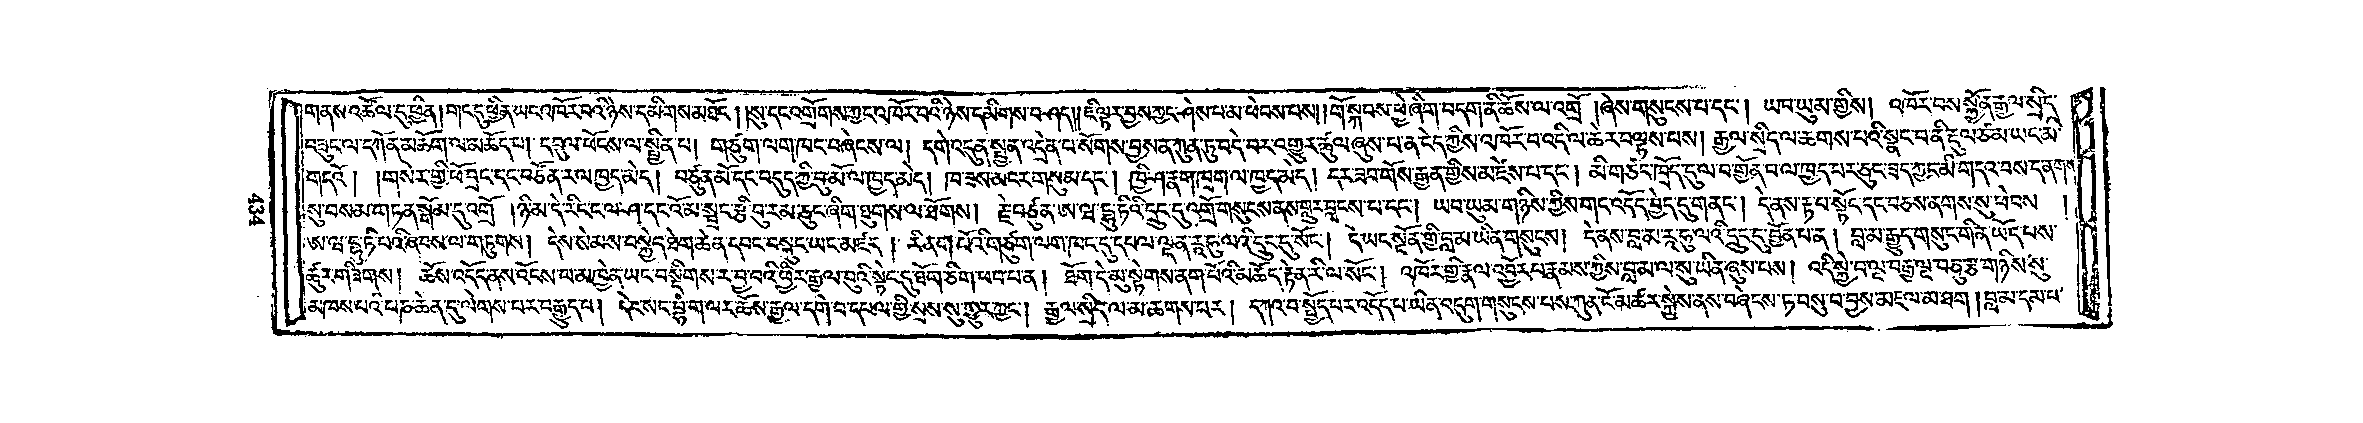གནས་འཚོལ་དུ་ཕྱིན། གང་དུ་ཕྱིན་ཡང་འཁོར་བའི་ཉེས་དམིགས་མཐོང་། །སུ་དང་འགྲོགས་ཀྱང་འཁོར་བའི་ཉེས་དམིགས་བཤད། །ཇི་ལྟར་བྱས་ཀྱང་ཤེས་པ་མ་ཕེབས་པས། །གོ་སྐབས་ཕྱེ་ཞིག་བདག་ནི་ཆོས་ལ་འགྲོ་།ཞེས་གསུངས་པ་དང་། ཡབ་ཡུམ་གྱིས། འཁོར་བས་སྐྱོ་ན་རྒྱལ་སྲིད་
བཟུང་ལ་དཀོན་མཆོག་ལ་མཆོད་པ། དབུལ་ཕོངས་ལ་སྦྱིན་པ། གཙུག་ལག་ཁང་བཞེངས་ལ། དགེ་འདུན་སྤྱན་འདྲེན་པ་སོགས་བྱས་ན་ཀུན་ཏུ་བདེ་བར་འགྱུར་ཚུལ་ཞུས་པ་ན་ངེད་ཀྱིས་འཁོར་བ་འདི་ལ་ཆེར་བལྟས་པས། རྒྱལ་སྲིད་ལ་ཆགས་པའི་སྣང་བ་ནི་རྡུལ་ཙམ་ཡང་མི་
གདའོ། །གསེར་གྱི་ཕོ་བྲང་དང་བཙོན་རལ་ཁྱད་མེད། བཙུན་མོ་དང་བདུད་ཀྱི་བུ་མོ་ལ་ཁྱད་མེད། ཁ་ཟས་མངར་གསུམ་དང་། ཁྱི་ཤ་རྣག་ཁྲག་ལ་ཁྱད་མེད། དར་ཟབ་གོས་རྒྱན་གྱིས་མཛེས་པ་དང་། མི་གཙང་ཁྲོད་དུལ་བ་གྱོན་པ་ལ་ཁྱད་པར་ཅུང་ཟད་ཀྱང་མི་གདའ་བསད་ནགས་
སུ་བསམ་གཏན་སྒོམ་དུ་འགྲོ་།ཉི་མ་དེ་རིང་ང་ལ་ཤ་དང་འོ་མ་སྦྲང་རྩི་བུ་རམ་ཅུང་ཞིག་ཐུགས་ལ་ཐོགས། རྗེ་བཙུན་ཨ་ཝ་དྷུ་ཏིའི་དྲུང་དུ་འགྲོ་གསུངས་ནས་གླུར་བླངས་པ་དང་། ཡབ་ཡུམ་གཉིས་ཀྱིས་གང་འདོད་བྱེད་དུ་གནང་། དེ་ནས་རྟ་པ་སྟོང་དང་བཅས་ནགས་སུ་ཕེབས།
ཨ་ཝ་དྷུ་ཏི་པའི་ཞབས་ལ་གཏུགས། དེས་སེམས་བསྐྱེད་ཐེག་ཆེན་དབང་བསྐུང་ཡང་མཛད། རི་ནག་པོའི་གཙུག་ལག་ཁང་དུ་དཔལ་ལྡན་རཱ་ཧུ་ལའི་དྲུང་དུ་སོང་། དེ་ཡང་སྔོན་གྱི་བླ་མ་ཡིན་གསུངས། དེ་ནས་བླ་མ་རཱ་ཧུ་ལའི་དྲུང་དུ་བྱོན་པ་ན། བླ་མ་རྒྱུད་གསུང་གིན་ཡོད་པས་
ཚུར་གཟིགས། ཆོས་འདོད་ནས་འོངས་ལ་མཁྱེན་ཡང་བསྡིགས་ར་བྱ་བའི་ཕྱིར་རྒྱལ་བུའི་སྟེང་དུ་ཐོག་ཅིག་ཕབ་པ་ན། ཐོག་དེ་མུ་སྟེགས་ནག་པོའི་མཆོད་རྟེན་རི་ལ་སོང་། འཁོར་གྱི་རྣལ་འབྱོར་པ་རྣམས་ཀྱིས་བླ་མ་ལ་སུ་ཡིན་ཞུས་པས། འདི་སྐྱེ་བ་ལྔ་བརྒྱ་ལྔ་བཅུ་རྩ་གཉིས་སུ་
མཁས་པའི་པཎ་ཆེན་དུ་ལེགས་པར་བརྒྱུད་པ། དེང་སང་བྷཾ་ག་ལར་ཆོས་རྒྱལ་དགེ་བ་དཔལ་གྱི་སྲས་སུ་གྱུར་ཀྱང་། རྒྱལ་སྲིད་ལ་མ་ཆགས་པར། དཀའ་བ་སྤྱོད་པར་འདོད་པ་ཡིན་འདུག་གསུངས་པས་ཀུན་ངོ་མཚར་སྐྱེས་ནས་བཞེངས་ཏ་བསུ་བ་བྱས་མཇལ་མ་ཐག །བླ་མ་དམ་པ་